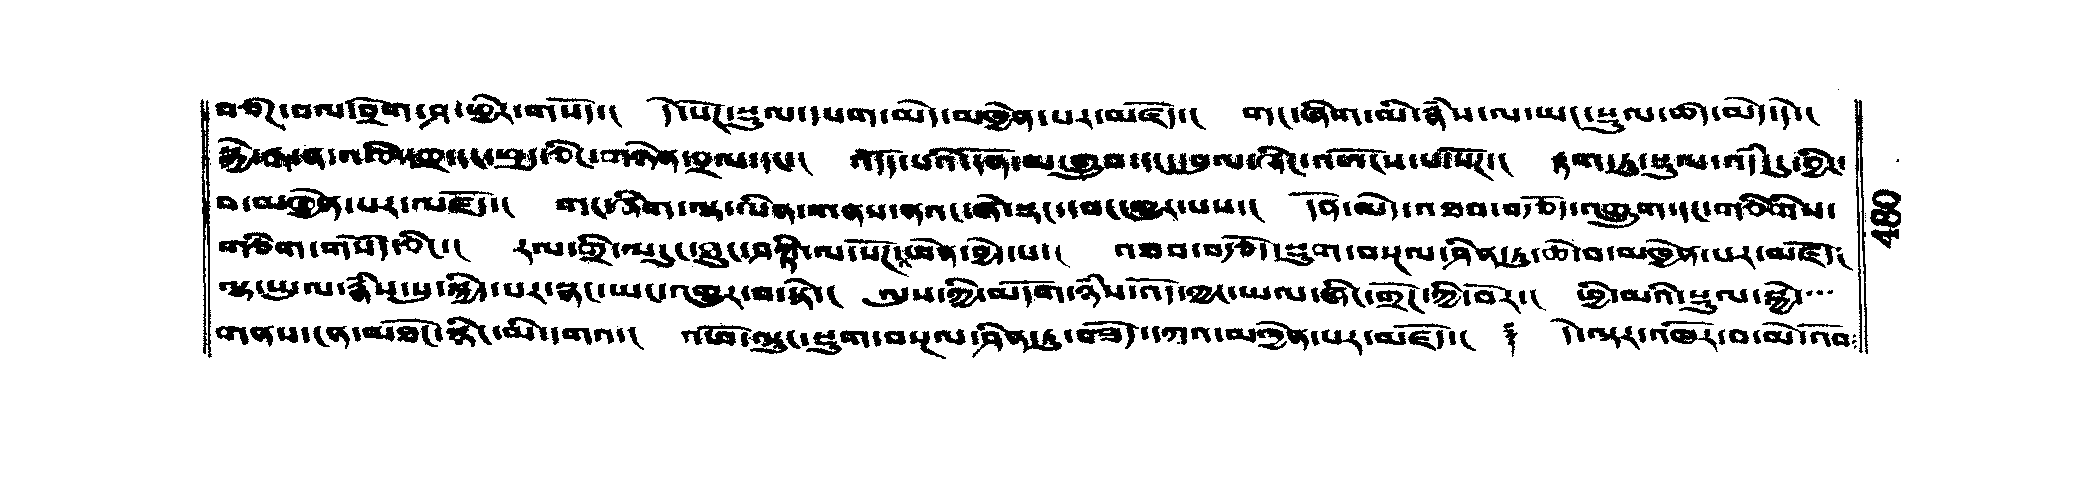བཙགས་བལ་བྲེག་ཤ་ཕྱིར་གསོད། །དེ་སོགས་སྡུག་བསྔལ་དཔག་མེད་མཁྱེན་པར་མཛོད། །གང་ཞིག་མི་རྣམས་ལ་ཡང་སྡུག་བསྔལ་ཚད་མེད་དེ། །
སྐྱེ་རྒ་ན་འཆི་དགྲ་དང་ཕྲད་ཅིང་གཉེན་བྲལ་དང་། །འདོད་པའི་དོན་མ་གྲུབ་དང་དབུལ་ཞིང་འཕོངས་པ་སོགས། །རྟག་ཏུ་སྡུག་བསྔལ་འདམ་དུ་བྱིང་
བ་མཁྱེན་པར་མཛོད། །གང་ཞིག་ལྷ་མིན་གནས་ནའང་ཞེ་སྡང་དབང་གྱུར་པས། །དོན་མེད་འཐབ་བརྩོད་འཁྲུག་དང་གཅིག་གིས་
གཅིག་གསོད་ཅིང་། །རལ་གྲི་མདུང་ཐུང་ཤཀྟི་ལ་སོགས་འཕེན་བྱེད་པ། །འཐབ་བརྩོད་སྡུག་བསྔལ་ཤིན་ཏུ་ཆེ་བ་མཁྱེན་པར་མཛོད། །
ལྷ་ཡུལ་རྣམས་སུ་སྐྱིད་པར་སྣང་ཡང་འགྱུར་བ་སྟེ། །ལུས་ཀྱི་མདོག་ཉམས་འོད་ཀྱང་ཡལ་ཞིང་གྲོགས་ཀྱིས་བོར། །ཕྱི་མའི་སྡུག་བསྔལ་སྐྱེ་
གནས་ངན་མཐོང་སྙིང་མི་དགའ། །འཕོ་ལྟུང་སྡུག་བསྔལ་ཤིན་ཏུ་བཟོད་དཀའ་མཁྱེན་པར་མཛོད། །དེ་ལྟར་འཁོར་བ་མེ་འོབས་